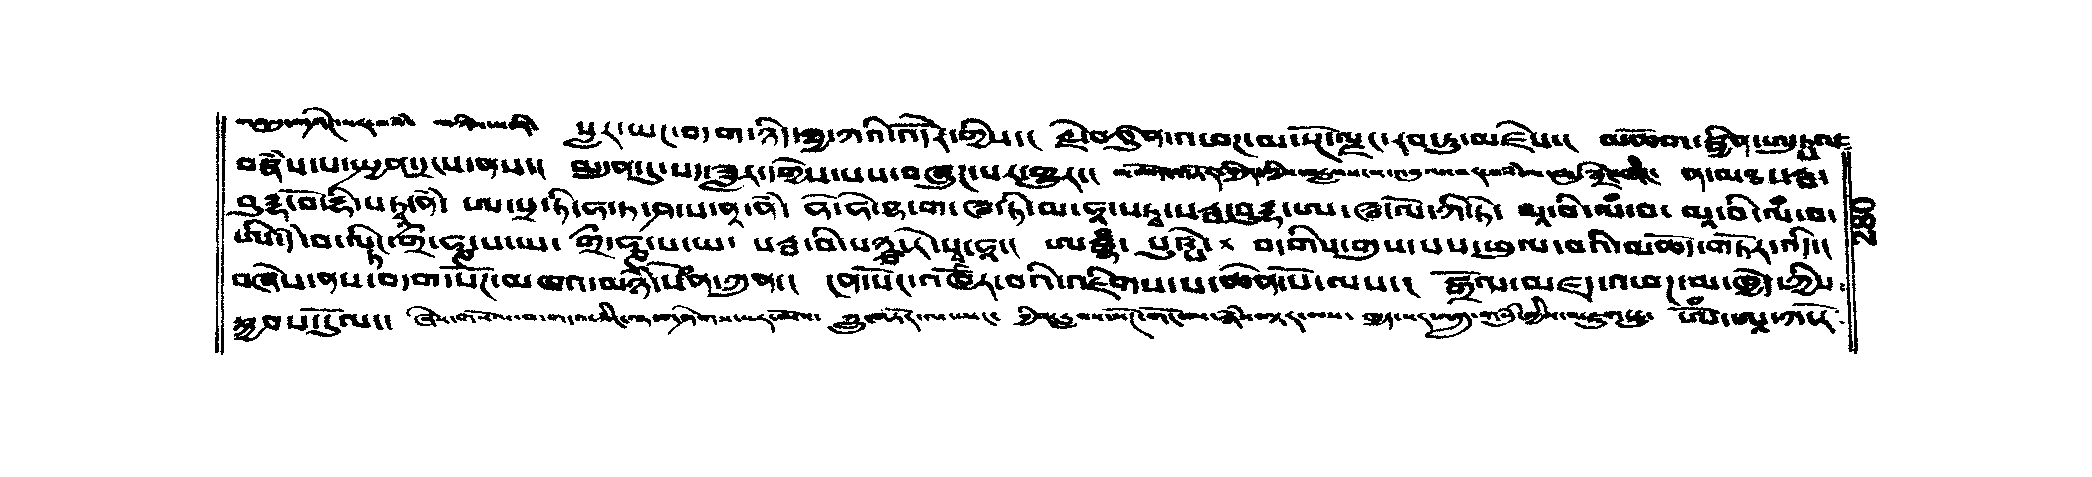གནས་སུ་གཤེགས་པར་བསམ། གཉིས་པ་ནི། སླར་ཡང་བདག་ཉིད་ཐུགས་ཀའི་འོད་ཟེར་གྱིས། །རྗེ་བཙུན་འཕགས་མ་སྔོ་ལྗང་རབ་ཏུ་མཛེས། །མཆོག་སྤྱིན་ཨཏྤལ་
བསྣམས་པ་སྤྱན་དྲངས་ནས། །མདུན་དུ་པད་ཟླར་དགྱེས་པར་བཞུགས་པར་གྱུར། ། མཆོད་གཏོར་བྱིན་གྱིས་བརླབས་པ་འབུལ་བར་བསམ་ལ་ཆུ་སྦྲེང་ཞིང་། ན་མཿསརྦ་
བུདྡྷ་བོ་དྷི་སཏྭཱ་ནཾ། ཧོ་ཧོ་བྷ་ག་ཝ་ཏི་མ་ཧཱ་སཏྭ་སརྦ་བུདྡྷ་ཨ་ཝ་ལོ་ཀི་ཏེ། མཱ་བི་ལཾ་བ། མཱ་བི་ལཾ་བ། 
ཨི་དཾ་བ་ལིངྟ་གྲྀ་ཧྞ་པ་ཡ།གྲྀ་ཧྞ་པ་ཡ། སརྦ་བི་པཉྩ་རེ་སྭཱ་ཧཱ། ཨརྒྷཾ། པུཥྤེ༴ བདག་གིས་གུས་པས་ཕུལ་བའི་མཆོད་གཏོར་འདི། །
བཞེས་ནས་བདག་སོགས་མཁའ་མཉམ་སེམས་ཅན་ཀུན། །ངན་སོང་འཁོར་བའི་འཇིགས་པ་ཆེན་པོ་ལས། །སྒྲོལ་མཛད་འཕགས་མ་ཁྱེད་ཀྱིས་
སྐྱབས་དུ་གསོལ། །ཞེས་གསོལ་བ་གདབ་ཅིང་ལྷ་གཤེགས་པར་མོས་ལ། ཀླུ་གཏོར་ལ་ཡང་། བྱིན་རླབས་སོགས་གོང་མ་རྣམས་ལྟར་ལས། ཁྱད་པར་འབྲུ་གསུམ་གྱིས་མཇུག་ཏུ། ཨཽྃ་ཨཱ་ཀ་རོ་